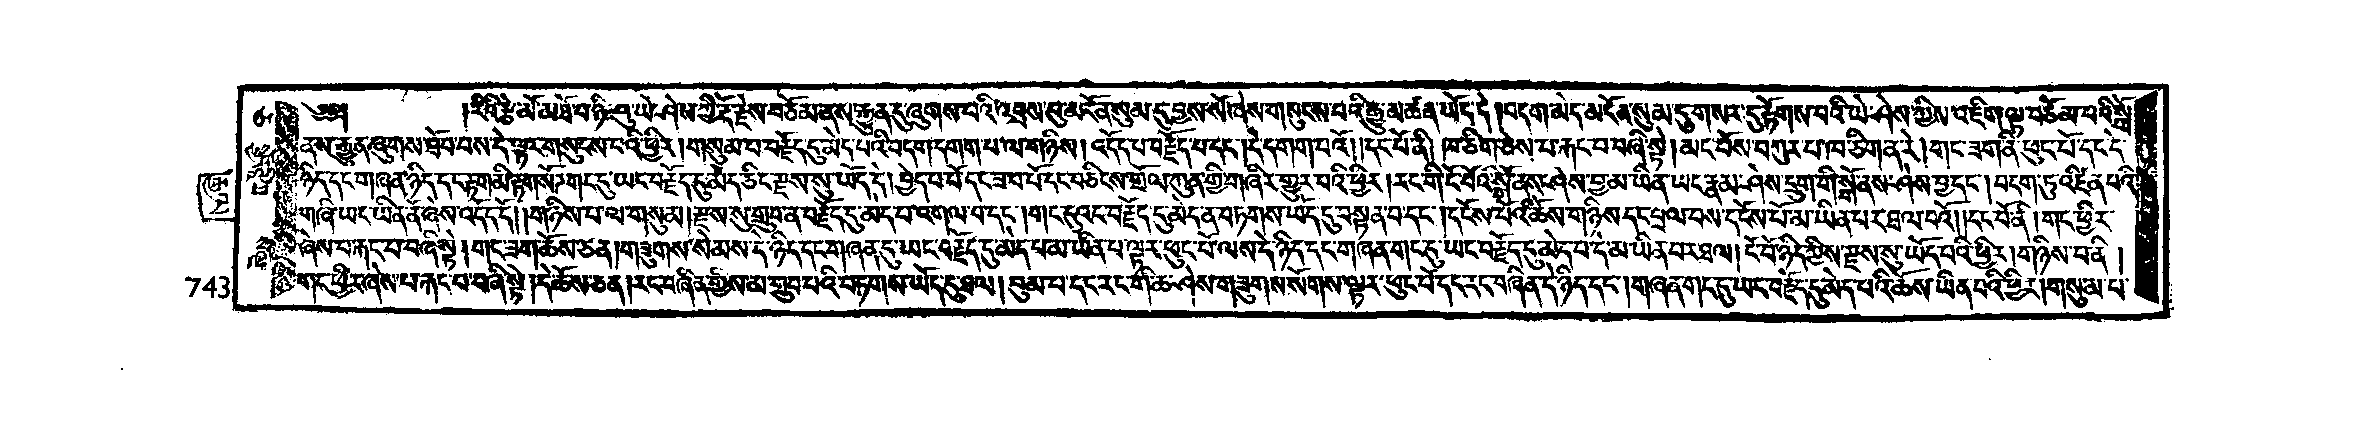༄༅། །རིའི་རྩེ་མོ་མཐོ་བ་ཉི་ཤུ་ཡེ་ཤེས་ཀྱི་རྡོ་རྗེས་བཅོམ་ནས་རྒྱུན་དུ་ཞུགས་པའི་འབྲས་བུ་མངོན་སུམ་དུ་བྱས་སོ་ཞེས་གསུངས་པའི་རྒྱུ་མཚན་ཡོད་དེ། བདག་མེད་མངོན་སུམ་དུ་གསར་དུ་རྟོགས་པའི་ཡེ་ཤེས་ཀྱིས་འཇིག་ལྟ་བཅོམ་པའི་སྒོ་
ནས་རྒྱུན་ཞུགས་ཐོབ་པས་དེ་ལྟར་གསུངས་པའི་ཕྱིར། གསུམ་པ་བརྗོད་དུ་མེད་པའི་བདག་དགག་པ་ལ་གཉིས། འདོད་པ་བརྗོད་པ་དང་། དེ་དགག་པའོ། །དང་པོ་ནི། ཁ་ཅིག་ཅེས་པ་རྐང་པ་བཞི་སྟེ། མང་པོས་བཀུར་པ་ཁ་ཅིག་ན་རེ། གང་ཟག་ནི་ཕུང་པོ་དང་དེ་
ཉིད་དང་གཞན་ཉིད་དང་རྟག་མི་རྟག་སོགས་གང་དུ་ཡང་བརྗོད་དུ་མེད་ཅིང་རྫས་སུ་ཡོད་དེ། བྱེད་པ་པོ་དང་ཟབ་པོ་དང་བཅིངས་གྲོལ་ཀུན་གྱི་གཞིར་གྱུར་པའི་ཕྱིར། རང་གི་ངོ་བོའི་སྒོ་ནས་ཤེས་བྱ་མ་ཡིན་ཡང་རྣམ་ཤེས་དྲུག་གི་སྒོ་ནས་ཤེས་བྱ་དང་། བདག་ཏུ་འཛིན་པའི་
གཞི་ཡང་ཡིན་ནོ་ཞེས་འདོད་དོ། །གཉིས་པ་ལ་གསུམ། རྫས་སུ་གྲུབ་ན་བརྗོད་དུ་མེད་པ་འགལ་བ་དང་། གང་དུའང་བརྗོད་དུ་མེད་ན་བཏགས་ཡོད་དུ་བསྟན་པ་དང་། དངོས་པོའི་ཆོས་གཉིས་དང་བྲལ་བས་དངོས་པོ་མ་ཡིན་པར་ཐལ་བའོ། །དང་པོ་ནི། གང་ཕྱིར་
ཞེས་པ་རྐང་པ་བཞི་སྟེ། གང་ཟག་ཆོས་ཅན། གཟུགས་སེམས་དེ་ཉིད་དང་གཞན་དུ་ཡང་བརྗོད་དུ་མེད་པ་མ་ཡིན་པ་ལྟར་ཕུང་པོ་ལས་དེ་ཉིད་དང་གཞན་གང་དུ་ཡང་བརྗོད་དུ་མེད་པ་དེ་མ་ཡིན་པར་ཐལ། ངོ་བོ་ཉིད་ཀྱིས་རྫས་སུ་ཡོད་པའི་ཕྱིར། གཉིས་པ་ནི།
གང་ཕྱིར་ཞེས་པ་རྐང་པ་བཞི་སྟེ། དེ་ཆོས་ཅན། རང་བཞིན་གྱིས་མ་གྲུབ་པའི་བཏགས་ཡོད་དུ་ཐལ། བུམ་པ་དང་རང་གི་ཆ་ཤེས་གཟུགས་སོགས་ལྟར་ཕུང་པོ་དང་རང་བཞིན་དེ་ཉིད་དང་། གཞན་གང་དུ་ཡང་བརྗོད་དུ་མེད་པའི་ཆོས་ཡིན་པའི་ཕྱིར། གསུམ་པ་